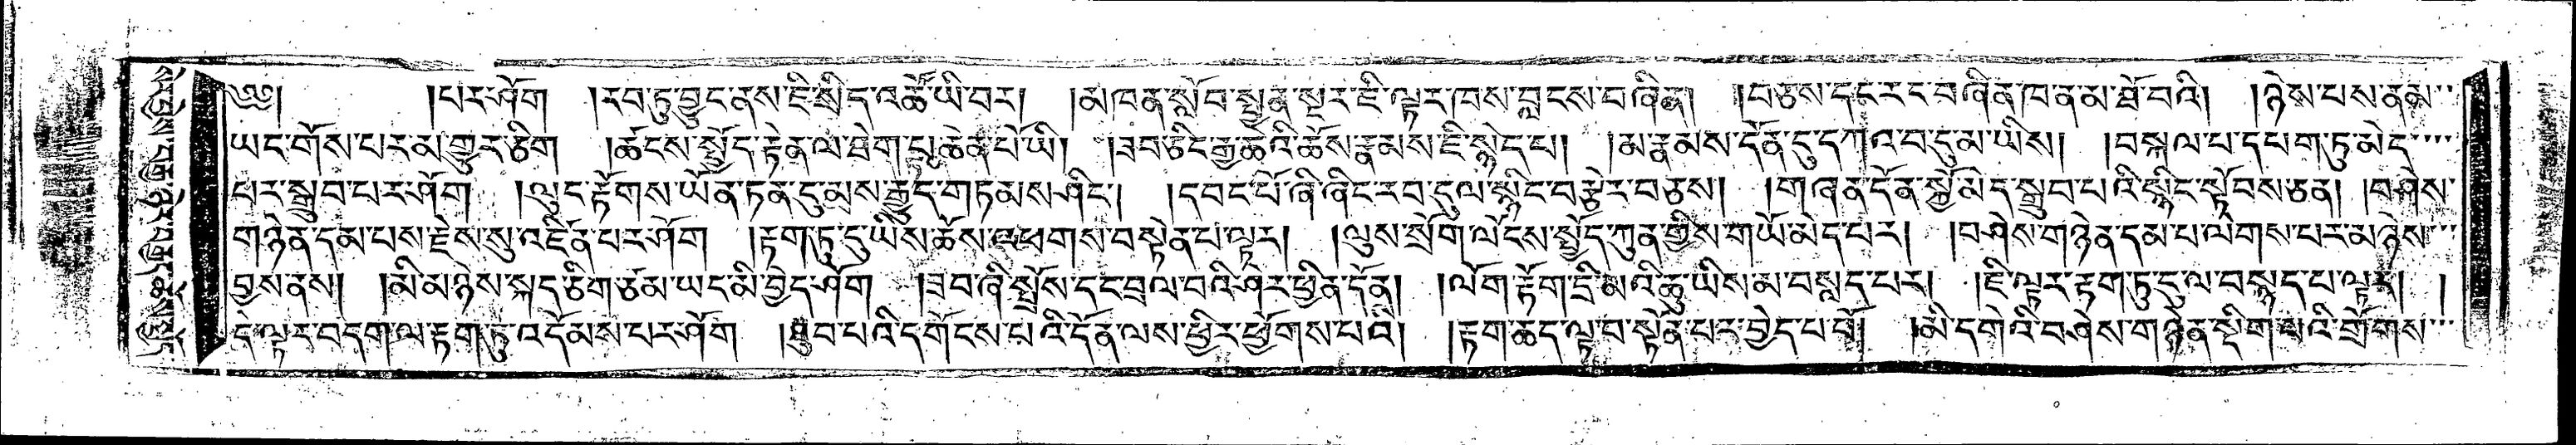༄༅། །པར་ཤོག །རབ་ཏུ་བྱུང་ནས་ཇི་སྲིད་འཚོ་ཡི་བར། །མཁན་སློབ་སྤྱན་སྔར་ཇི་ལྟར་ཁས་བླངས་བཞིན། །བཅས་དང་རང་བཞིན་ཁ་ན་མ་ཐོ་བའི། །ཉེས་པས་ནམ་
ཡང་གོས་པར་མ་གྱུར་ཅིག །ཚངས་སྤྱོད་རྟེན་ལ་ཐེག་པ་ཆེན་པོ་ཡི། །ཟབ་ཅིང་རྒྱ་ཆེའི་ཆོས་རྣམས་ཇི་སྙེད་པ། །མ་རྣམས་དོན་དུ་དཀའ་བ་དུ་མ་ཡིས། །བསྐལ་པ་དཔག་ཏུ་མེད་
པར་སྒྲུབ་པར་ཤོག །ལུང་རྟོགས་ཡོན་ཏན་དུ་མས་རྒྱུད་གཏམས་ཤིང་། །དབང་པོ་ཞི་ཞིང་རབ་དུལ་སྙིང་བརྩེར་བཅས། །གཞན་དོན་སྐྱོ་མེད་སྒྲུབ་པའི་སྙིང་སྟོབས་ཅན། །བཤེས་
གཉེན་དམ་པས་རྗེས་སུ་འཛིན་པར་ཤོག །རྟག་ཏུ་དུ་ཡིས་ཆོས་འཕགས་བསྟེན་པ་ལྟར། །ལུས་སྲོག་ལོངས་སྤྱོད་ཀུན་གྱིས་གཡོ་མེད་པར། །བཤེས་གཉེན་དམ་པ་ལེགས་པར་མཉེས་
བྱས་ནས། །མི་མཉེས་སྐད་ཅིག་ཙམ་ཡང་མི་བྱེད་ཤོག །ཟབ་ཞི་སྤྲོས་དང་བྲལ་བའི་ཤེར་ཕྱིན་དོན། །ལོག་རྟོག་དྲི་མའི་ཆུ་ཡིས་མ་བསླད་པར། །ཇི་ལྟར་རྟག་ཏུ་དུ་ལ་བསྙད་པ་ལྟར། །
དེ་ལྟར་བདག་ལ་རྟག་ཏུ་འདོམས་པར་ཤོག །ཐུབ་པའི་དགོངས་པའི་དོན་ལས་ཕྱིར་ཕྱོགས་པའི། །རྟག་ཆད་ལྟ་བ་སྟོན་པར་བྱེད་པ་པོ། །མི་དགེའི་བཤེས་གཉེན་སྡིག་པའི་གྲོགས་